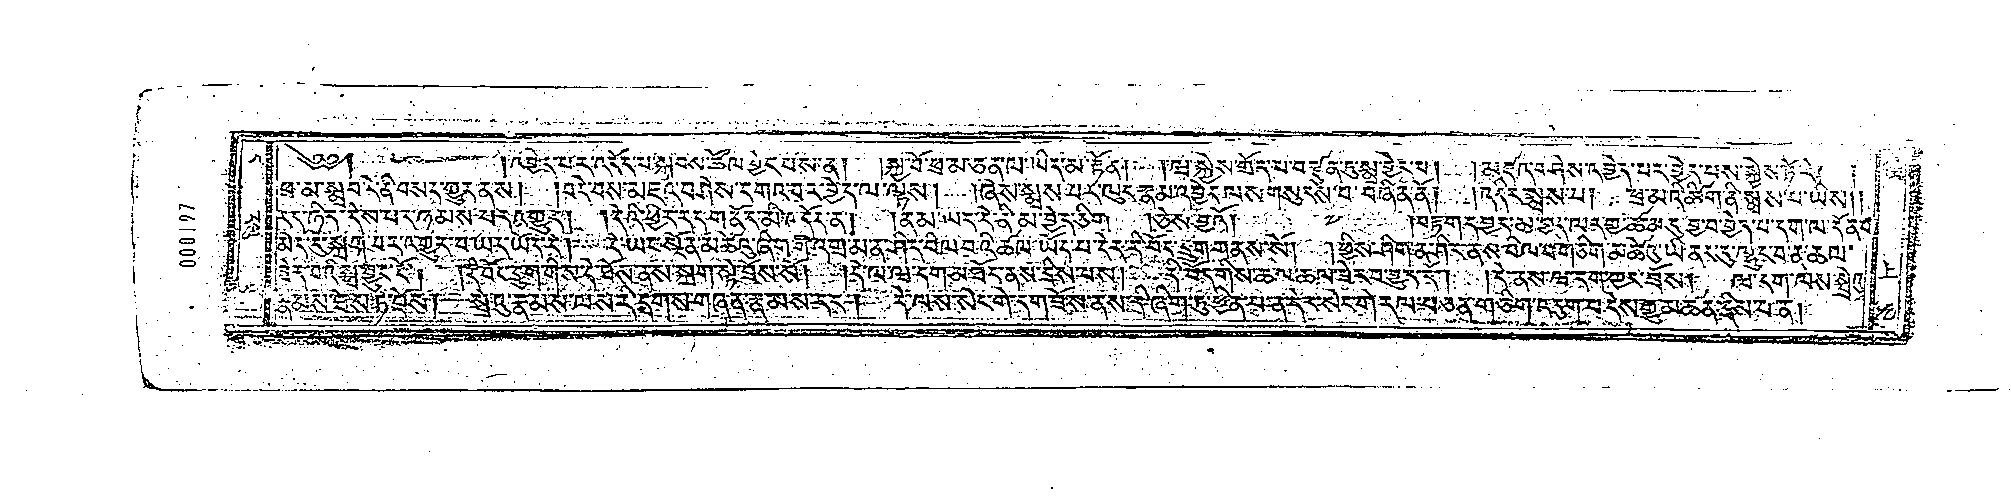༄༅། །འབྱེད་པར་འདོད་པ་སྐབས་ཚོལ་བྱེད་པས་ན། །སྐྱ་བོ་ཕྲ་མ་ཅན་ལ་ཡིད་མ་རྟོན། །ཝ་སྐྱེས་གྲོད་པ་བརྫུན་ཏུ་སྨྲ་བྱེད་པ། །མཛའ་བཤེས་འབྱེད་པར་བྱེད་པས་སྐྱེས་ཏོ་རེ། །
ཕྲ་མ་སྨྲ་བ་དེ་ནི་བསད་གྱུར་ནས། །བདེ་བས་མཛའ་བཤེས་དགའ་བར་བྱེད་ལ་ལྟས། །ཞེས་སྨྲས་པར་ལུང་རྣམ་འབྱེད་ལས་གསུངས་པ་བཞིན་ནོ། །འདིར་སྨྲས་པ། ཕྲ་མའི་ཚིག་ནི་སྨྲས་པ་ཡིས།།
དད་ཉིད་དེས་པར་ཉམས་པར་འགྱུར། །དེའི་ཕྱིར་རང་གནོད་མི་འདོད་ན། །ནམ་ལང་དེ་ནི་མ་བྱེད་ཅིག །ཅེས་བྱའོ། ༧་།བརྟག་དབྱར་མ་བྱུང་ལར་གྱི་ཚམ་དུ་བྱ་བ་བྱེད་པ་དག་ལ་དོན་
མེད་དུ་སྐྲག་པར་འགྱུར་བ་ཡང་ཡོད་དེ། དེ་ཡང་སྔོན་མཚེའུ་ཞིག་གི་འགྲམ་ན་ཤིང་བིལ་བའི་ཚལ་ཡོད་པ་དེར་རི་བོང་དྲུག་གནས་སོ། །ཕྱིས་ཤིག་ན་ཤིང་ནས་བིལ་བ་གཅིག་མཚེའུ་ཡི་ནང་དུ་ལྷུང་བ་ན་ཆལ་
ཟེར་བའི་སྒྲ་བྱུང་ངོ། །རི་བོང་དྲུག་གིས་དེ་ཐོས་ནས་སྐྲག་སྟེ་བྲོས་སོ། །དེ་ལ་ཝ་དག་མཐོང་ནས་དྲིས་པས། རི་བོད་གིས་ཆལ་ཆལ་ཟེར་བ་བྱུང་ངོ། །དེ་ནས་ཝ་དག་ཀྱང་བྲོས། ཝ་དག་ལས་སྤྲེའུ་
རྣམས་ཐོས་ཏེ་བྲོས། སྤྲེའུ་རྣམས་ལས་རི་དྭགས་གཞན་རྣམས་དང་། དེ་ལས་སེང་གེ་དག་ཟོས་ནས་རི་ཞིག་ཏུ་ཕྱིན་པ་ན་དེར་སེང་གེ་རལ་པ་ཅན་གཅིག་འདུག་པ་དེས་རྒྱུ་མཚན་དྲིས་པ་ན།